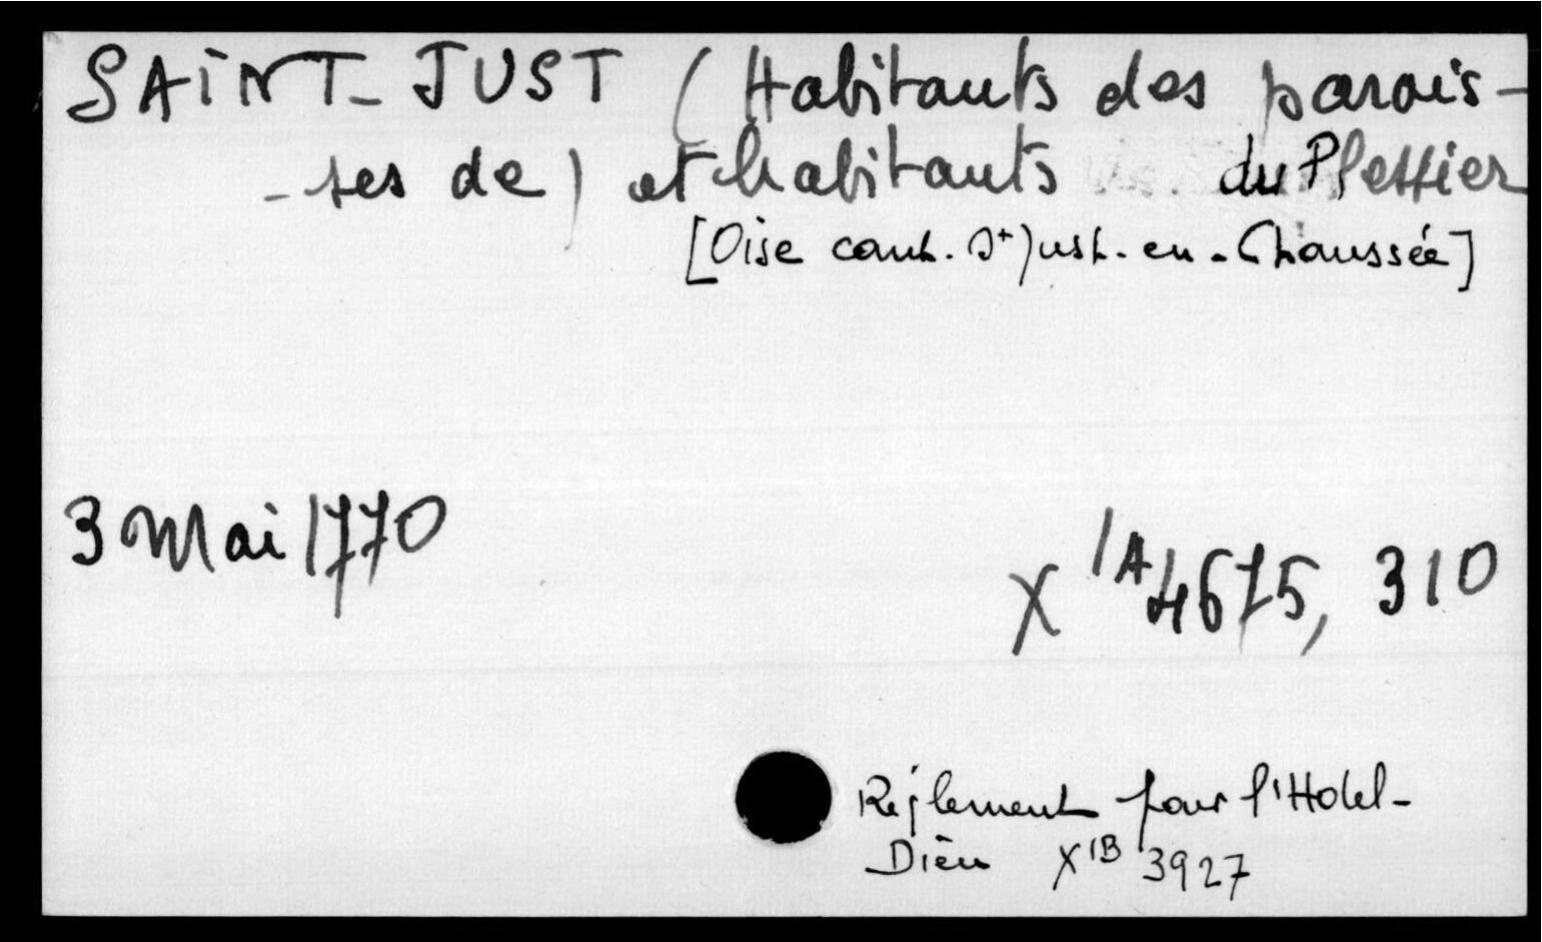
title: SAINT-JUST (Habitants des paroisses de) et habitants du Plessier [oise canton Saint-Just-en-Chaussée]
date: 3 mai 1770
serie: X1A
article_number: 4675
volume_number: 310
